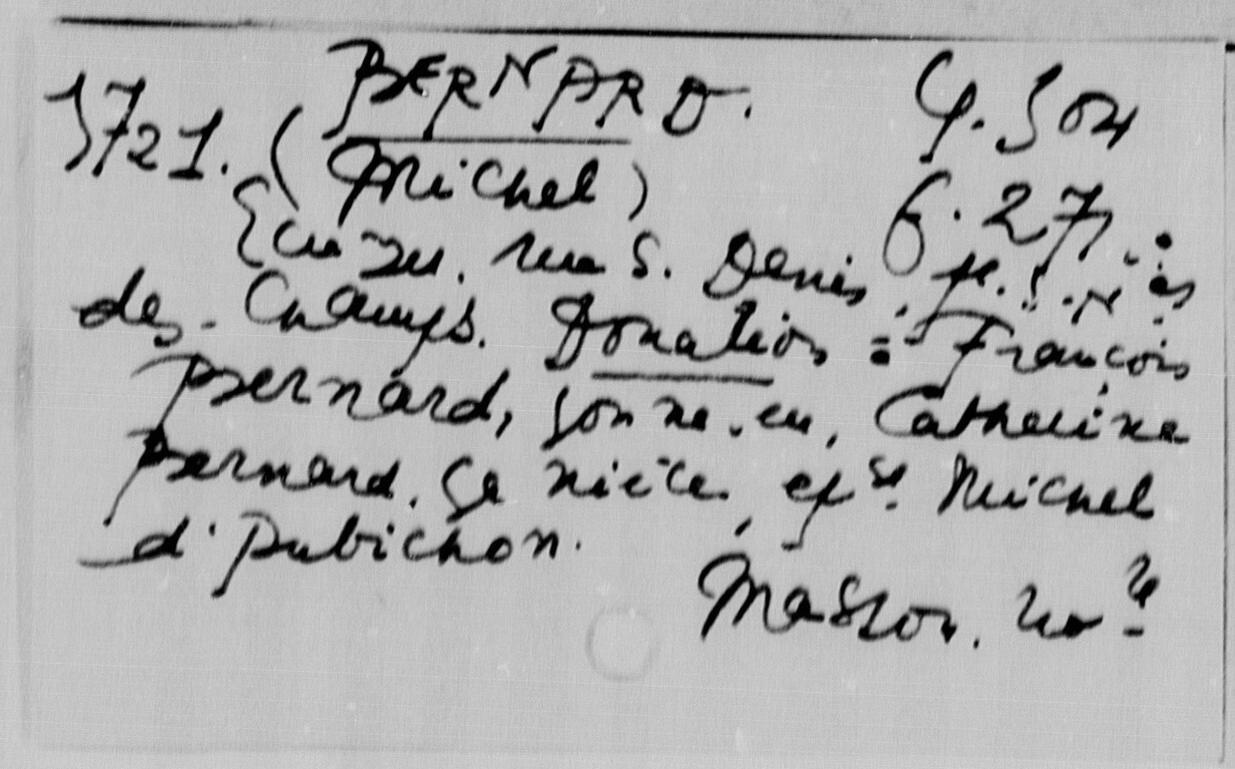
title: BERNARD (Michel)
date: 1721
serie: Y
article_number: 304
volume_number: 271v
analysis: Écuyer, rue Saint-Denis, paroisse Saint-Nicolas-des-Champs. Donation à François Bernard, son neveu, Catherine Bernard, sa nièce, épouse Michel d'Aubichon. Masson, notaire.
